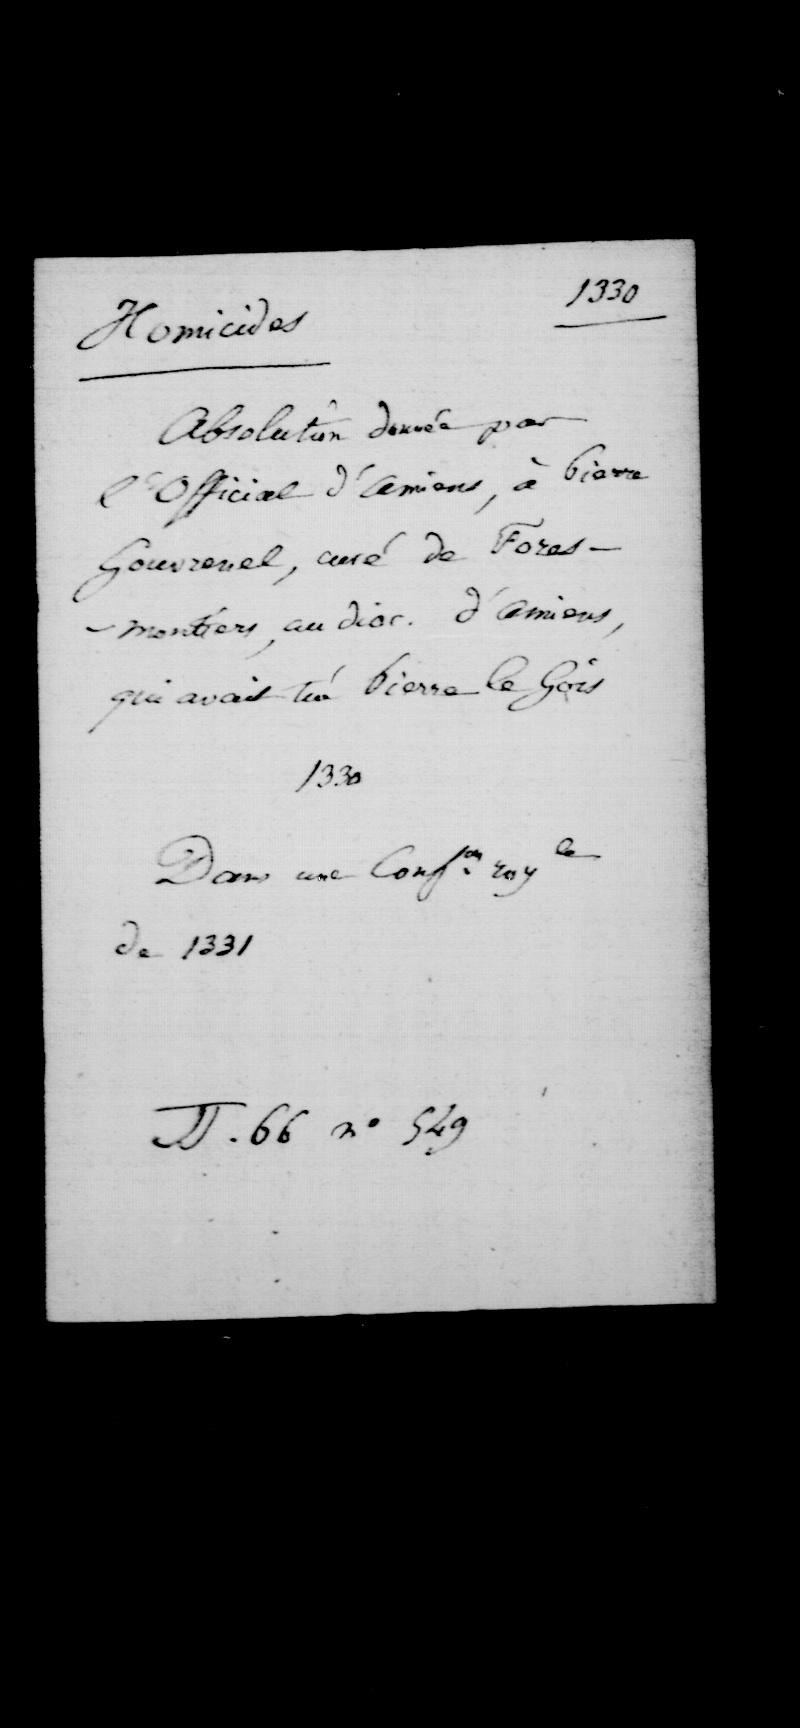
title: Homicides
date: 1330
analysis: Absolution donnée par l’official d’Amiens, à Pierre Gouvrenel, curé de Foresmontiers, au diocèse d’Amiens, qui avait tué Pierre le Gois 1330 Dans une confirmation royale de 1331
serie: JJ
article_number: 66
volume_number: n° 549
